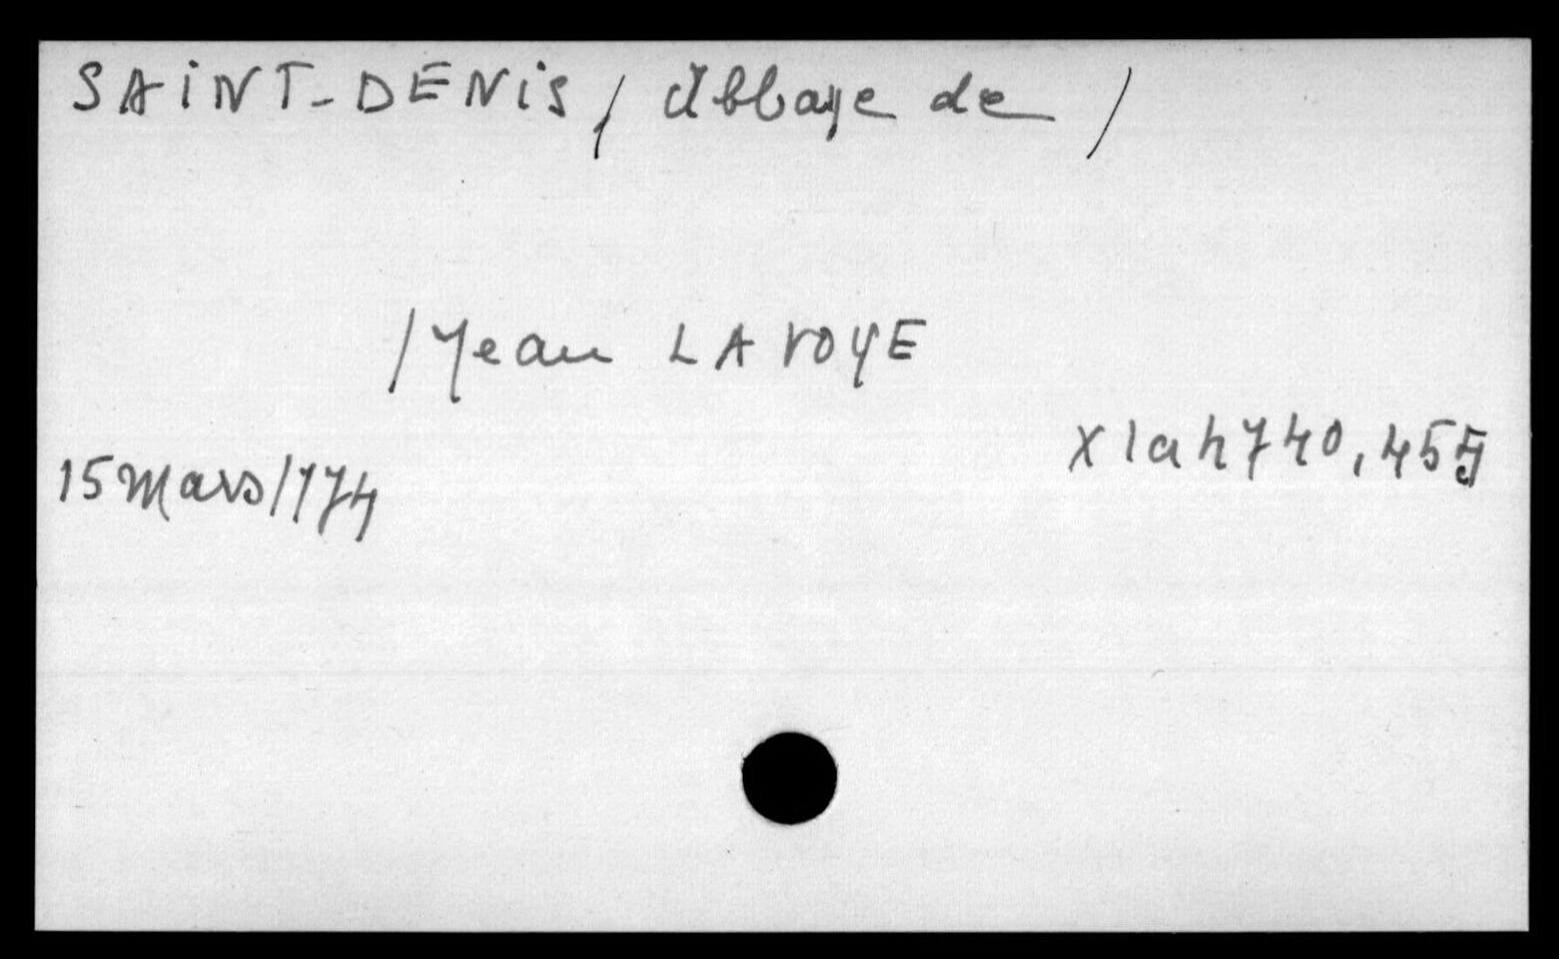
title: SAINT-DENIS (abbaye de°
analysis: Contre Jean LAVOYE
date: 15 mars 1774
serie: X1a
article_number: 4740
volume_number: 455
